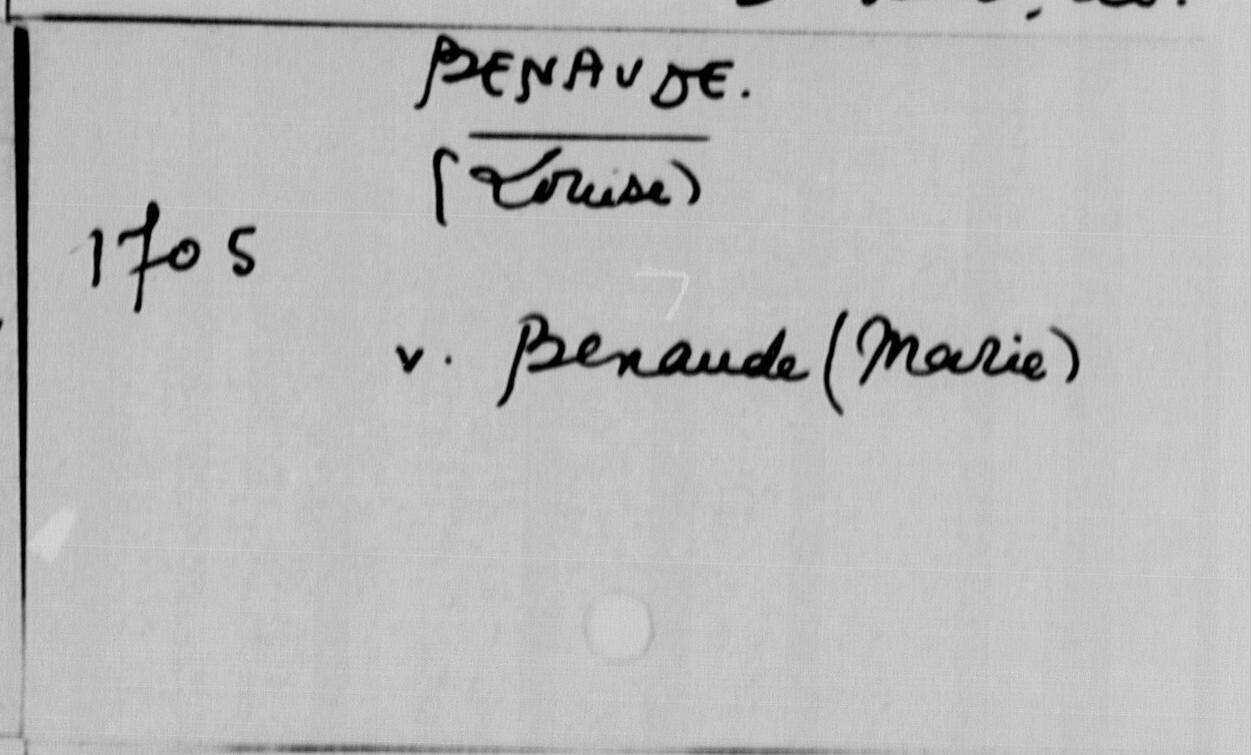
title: BENAUDE (Louise)
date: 1705
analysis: Voir BENAUDE (Marie)
